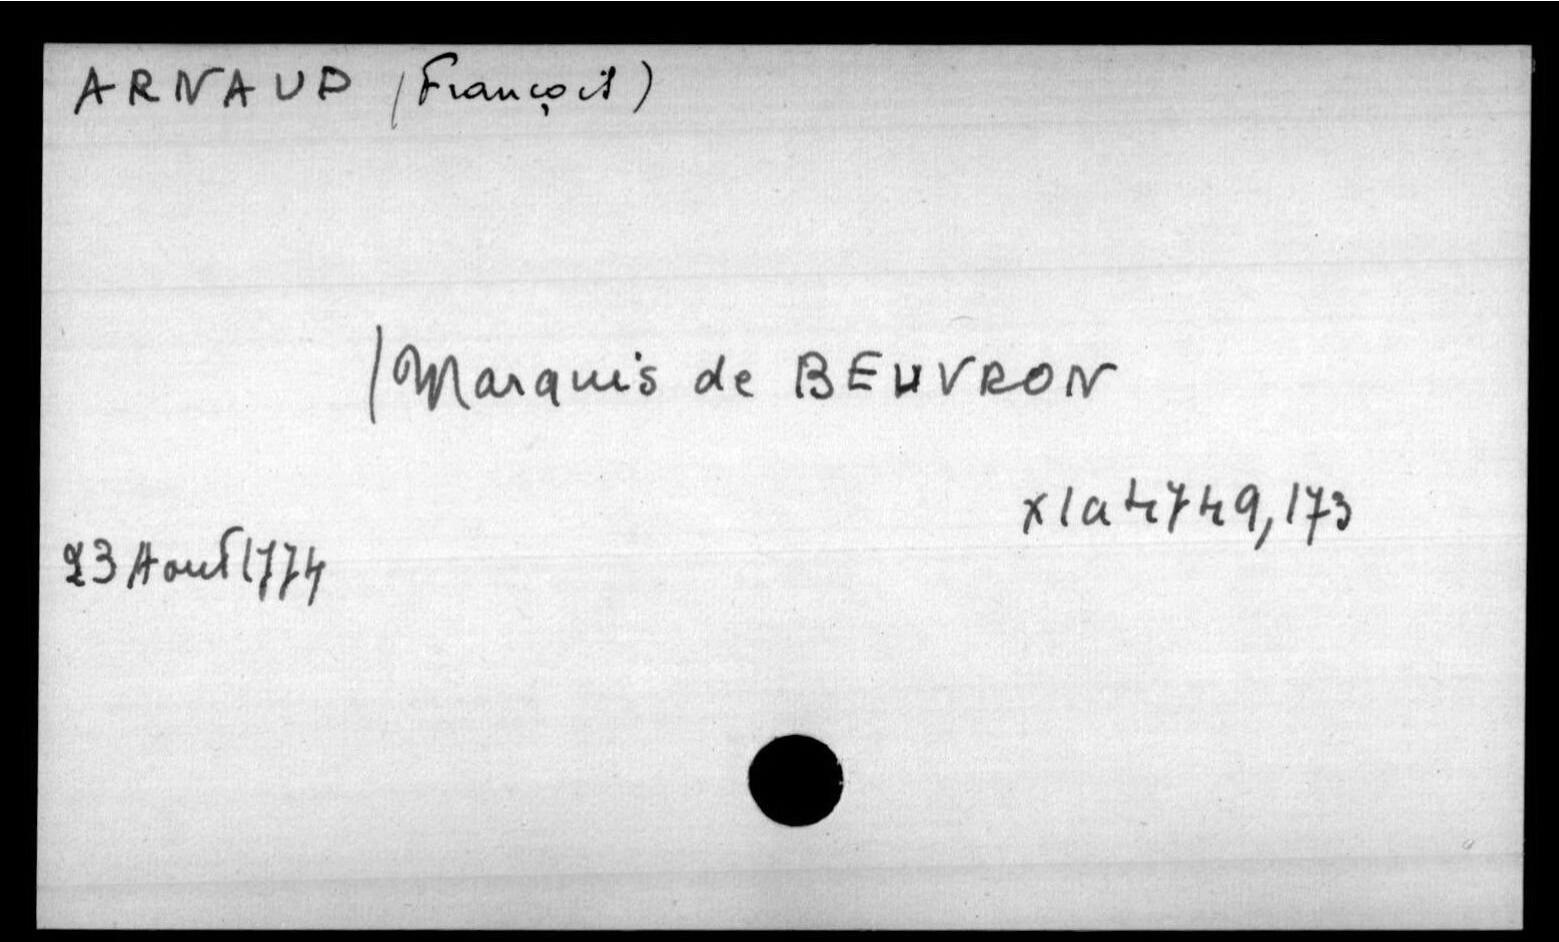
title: ARNAUD (François)
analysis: Contre Marquis de BEUVRON
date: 23 août 1774
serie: X1a
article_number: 4749
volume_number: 173
